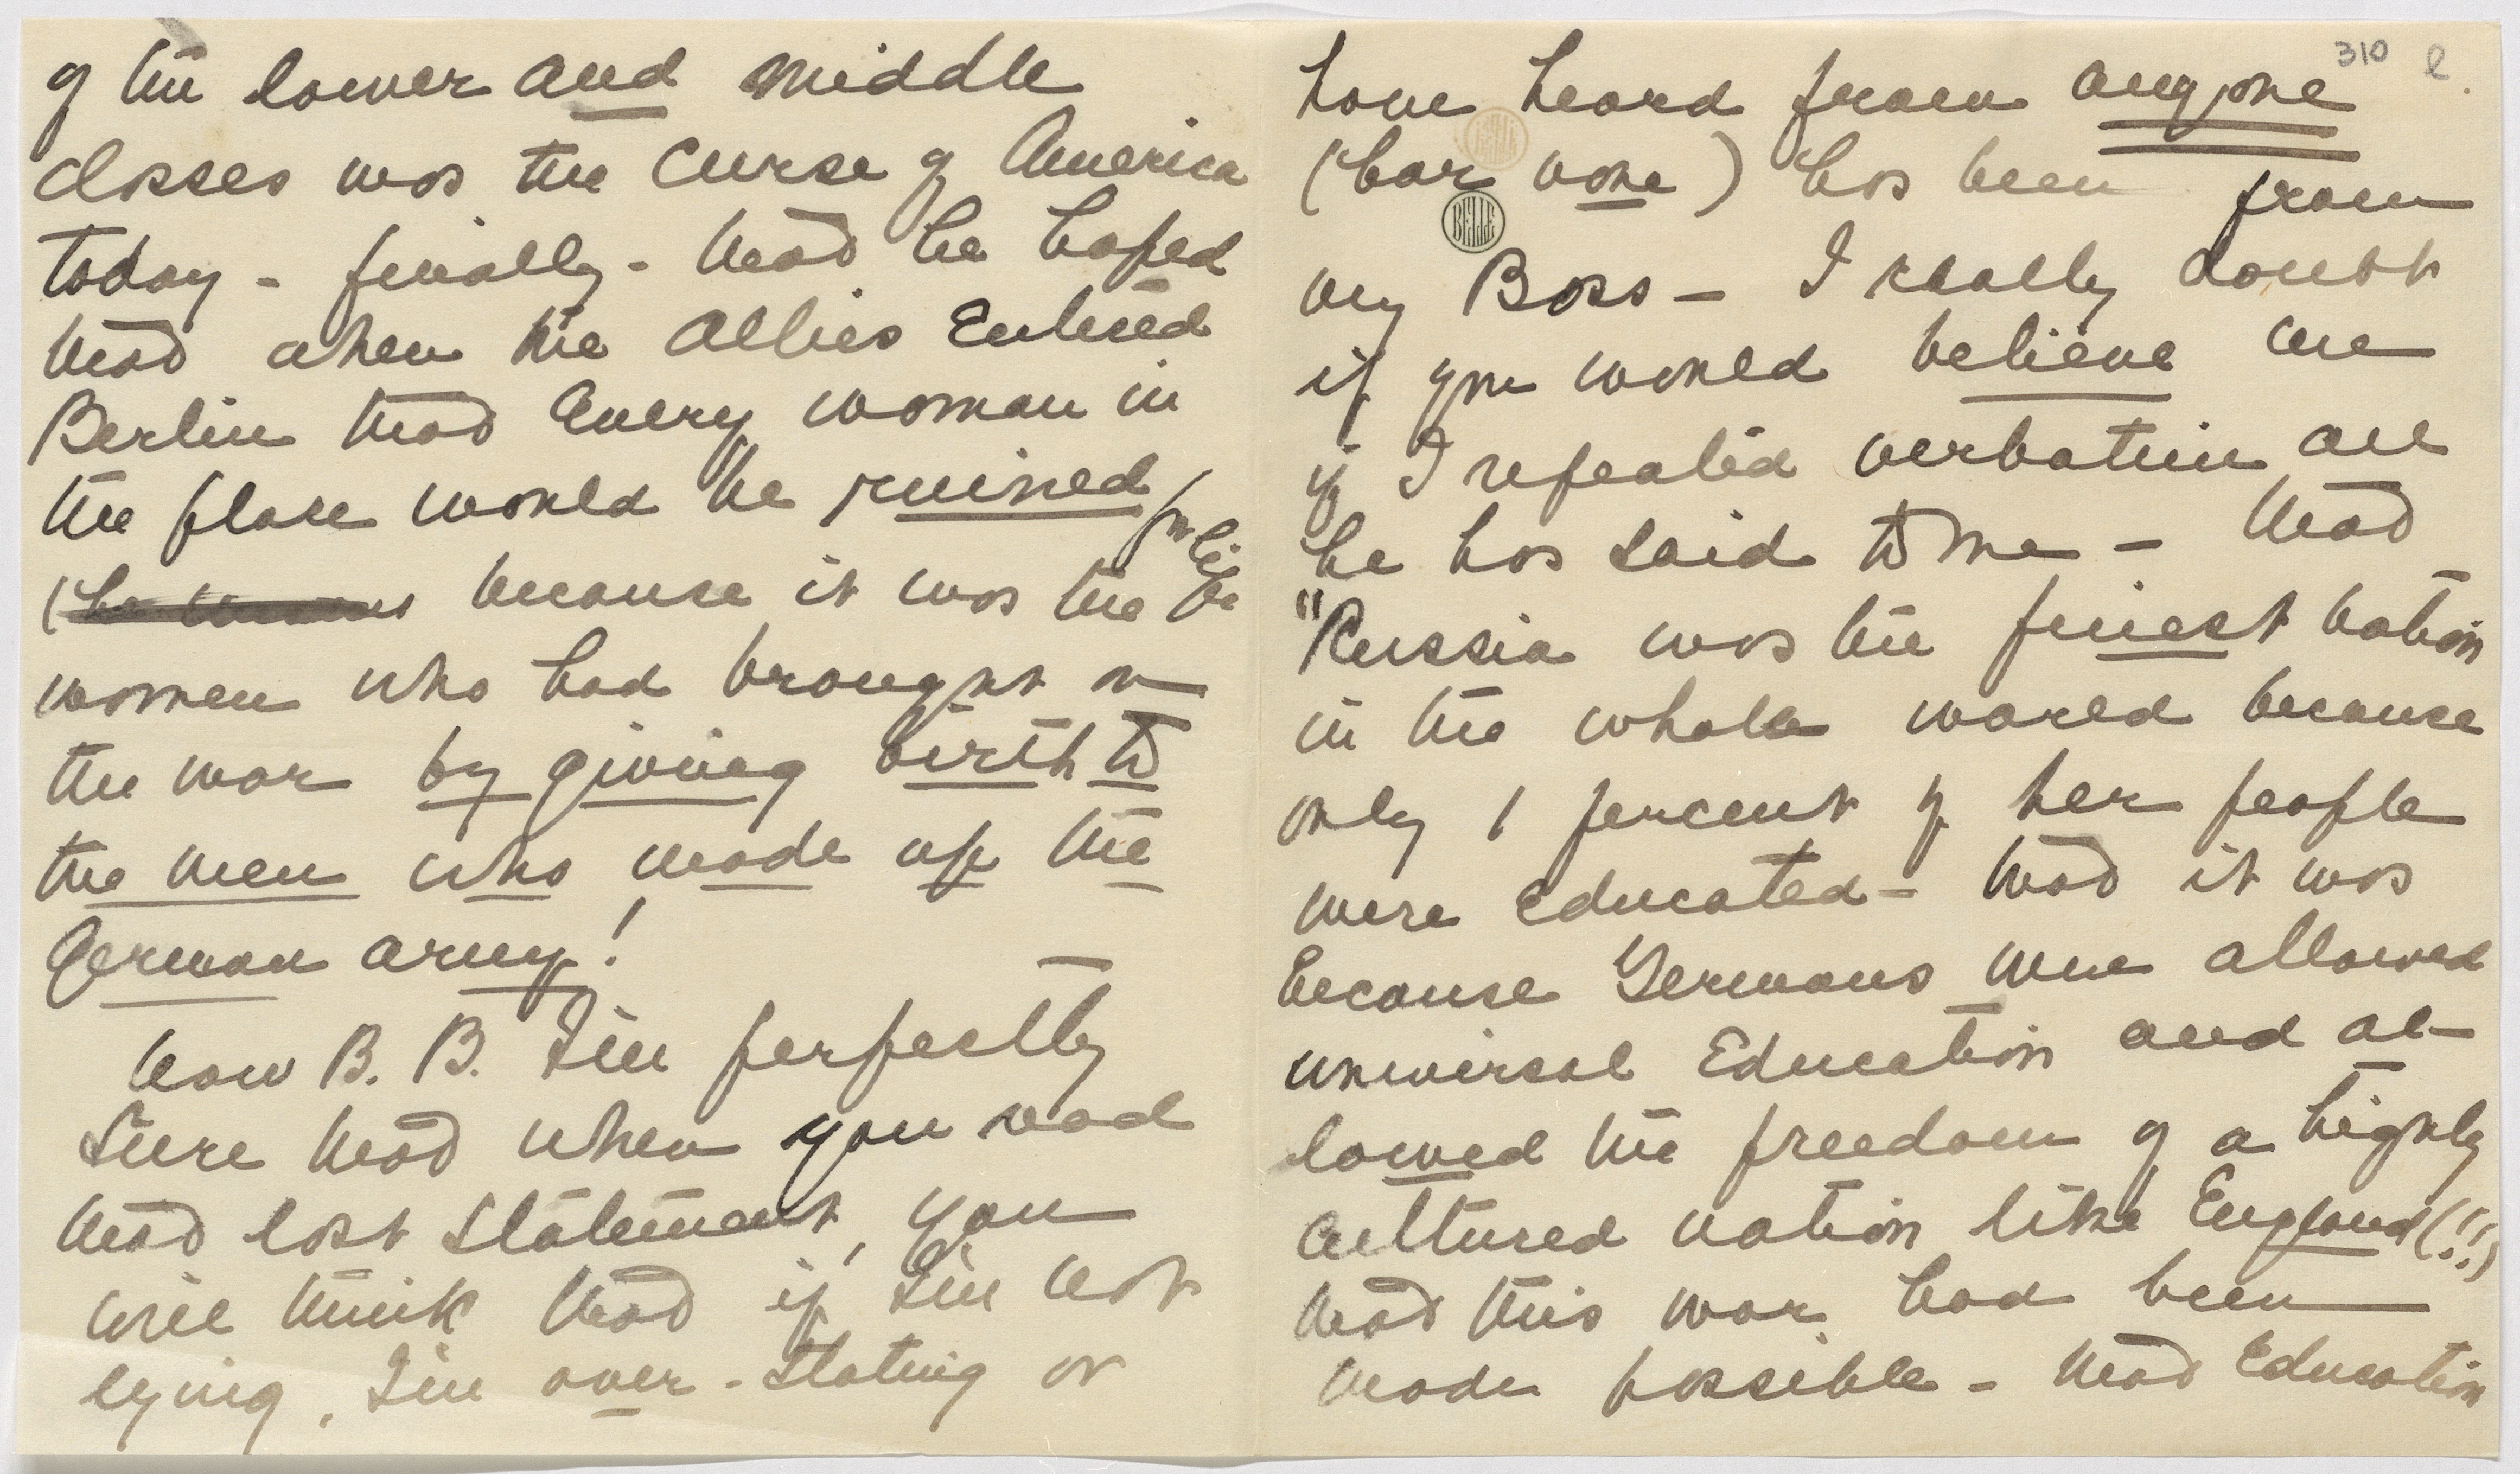have heard from [double underlined: anyone] (bar none) has been from my Boss – I really doubt if you would believe me if I repeated verbatim all he has said to me – that “Russia was the finest nation in the whole world because only 1 percent of her people were educated – that it was because Germans were allowed universal education and allowed the freedom of a highly cultured nation like England (!!) that this war had been made possible – that education
of the lower and middle classes was the curse of America today – finally – that he hoped that when the Allies entered Berlin that every woman in the place would be ruined for life (he [illegible deletion] because it was the women who had brought on the war by giving birth to the German army!
Now B.B. I’m perfectly sure that when you read that last statement, you will think that if I’m not lying, I’m over-stating or